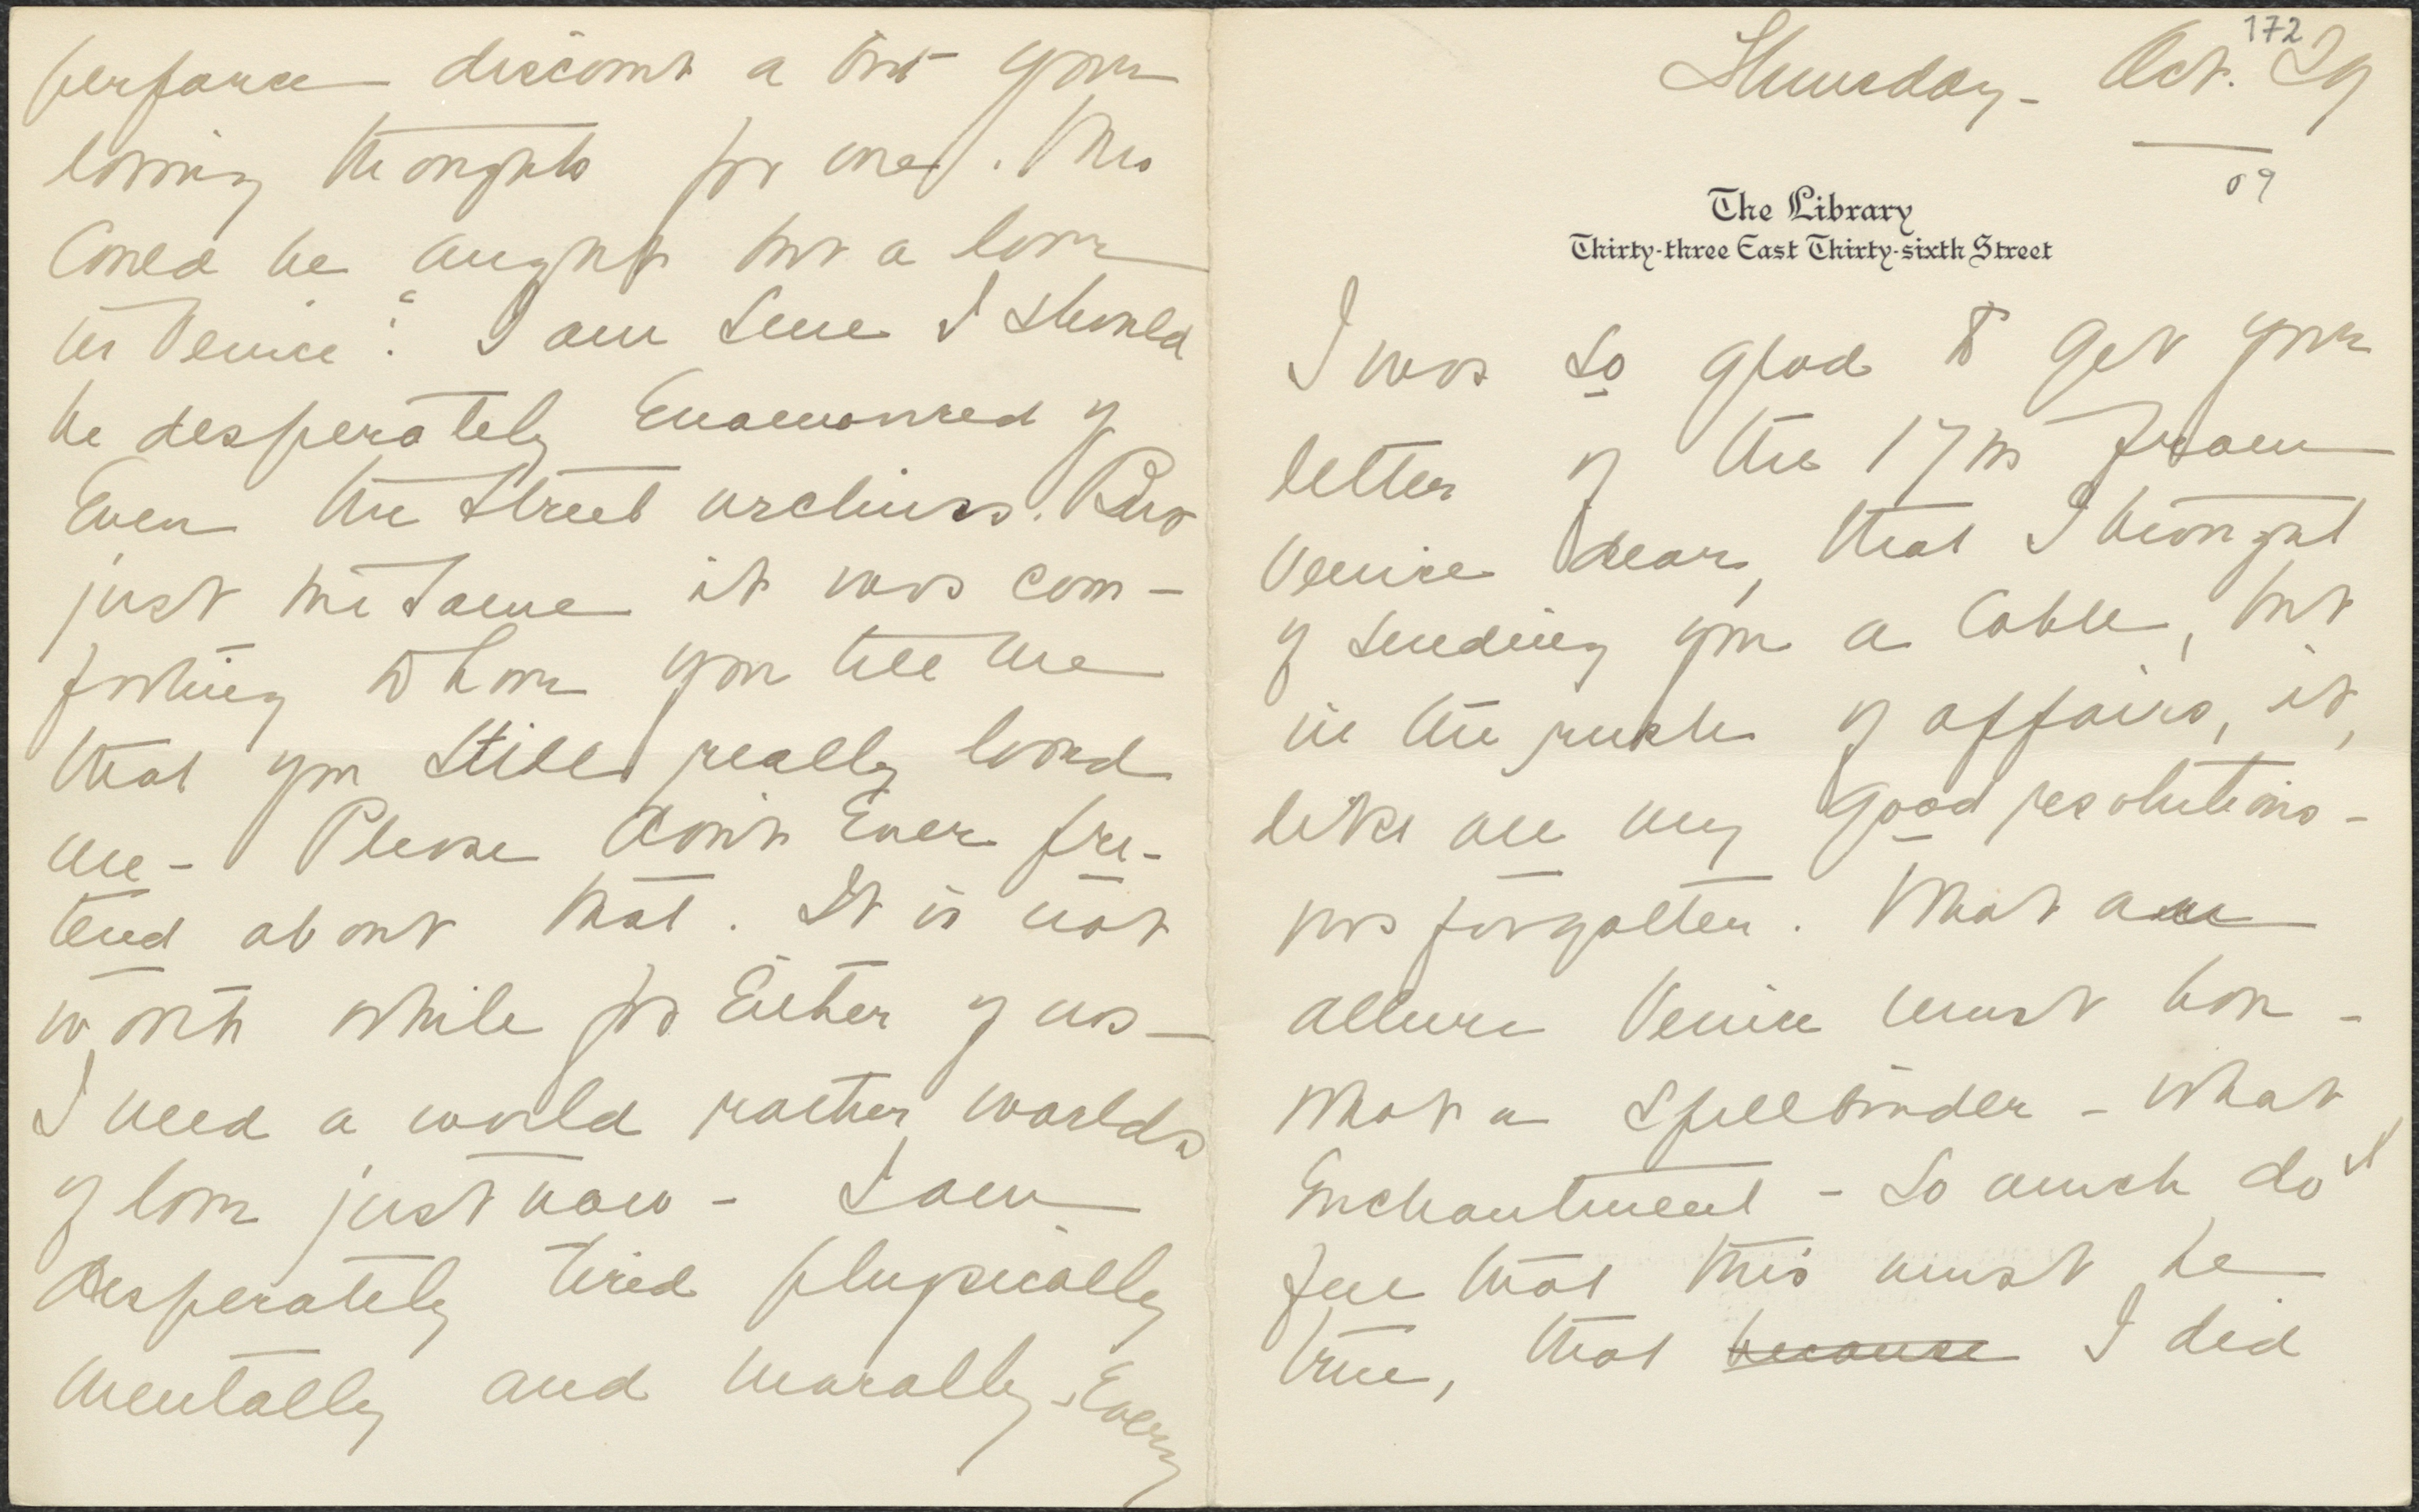Thursday – Oct. 29
I was so glad to get your letter of the 17th from Venice dear, that I thought of sending you a cable, but in the rush of affairs, it, like all my good resolutions – was forgotten. What an allure Venice must have – what a spellbinder – what enchantment – so much do I feel that this must be true, that because I did
perforce discount a bit your loving thoughts for me. This could be aught but a love in Venice? I am sure I should be desperately enamored of even the street urchins. But just the same it was comforting to have you tell me that you still really loved me – Please don’t ever pretend about that. It is not worth while for either of us – I need a world rather worlds of love just now – I am desperately tired physically mentally and morally – Every